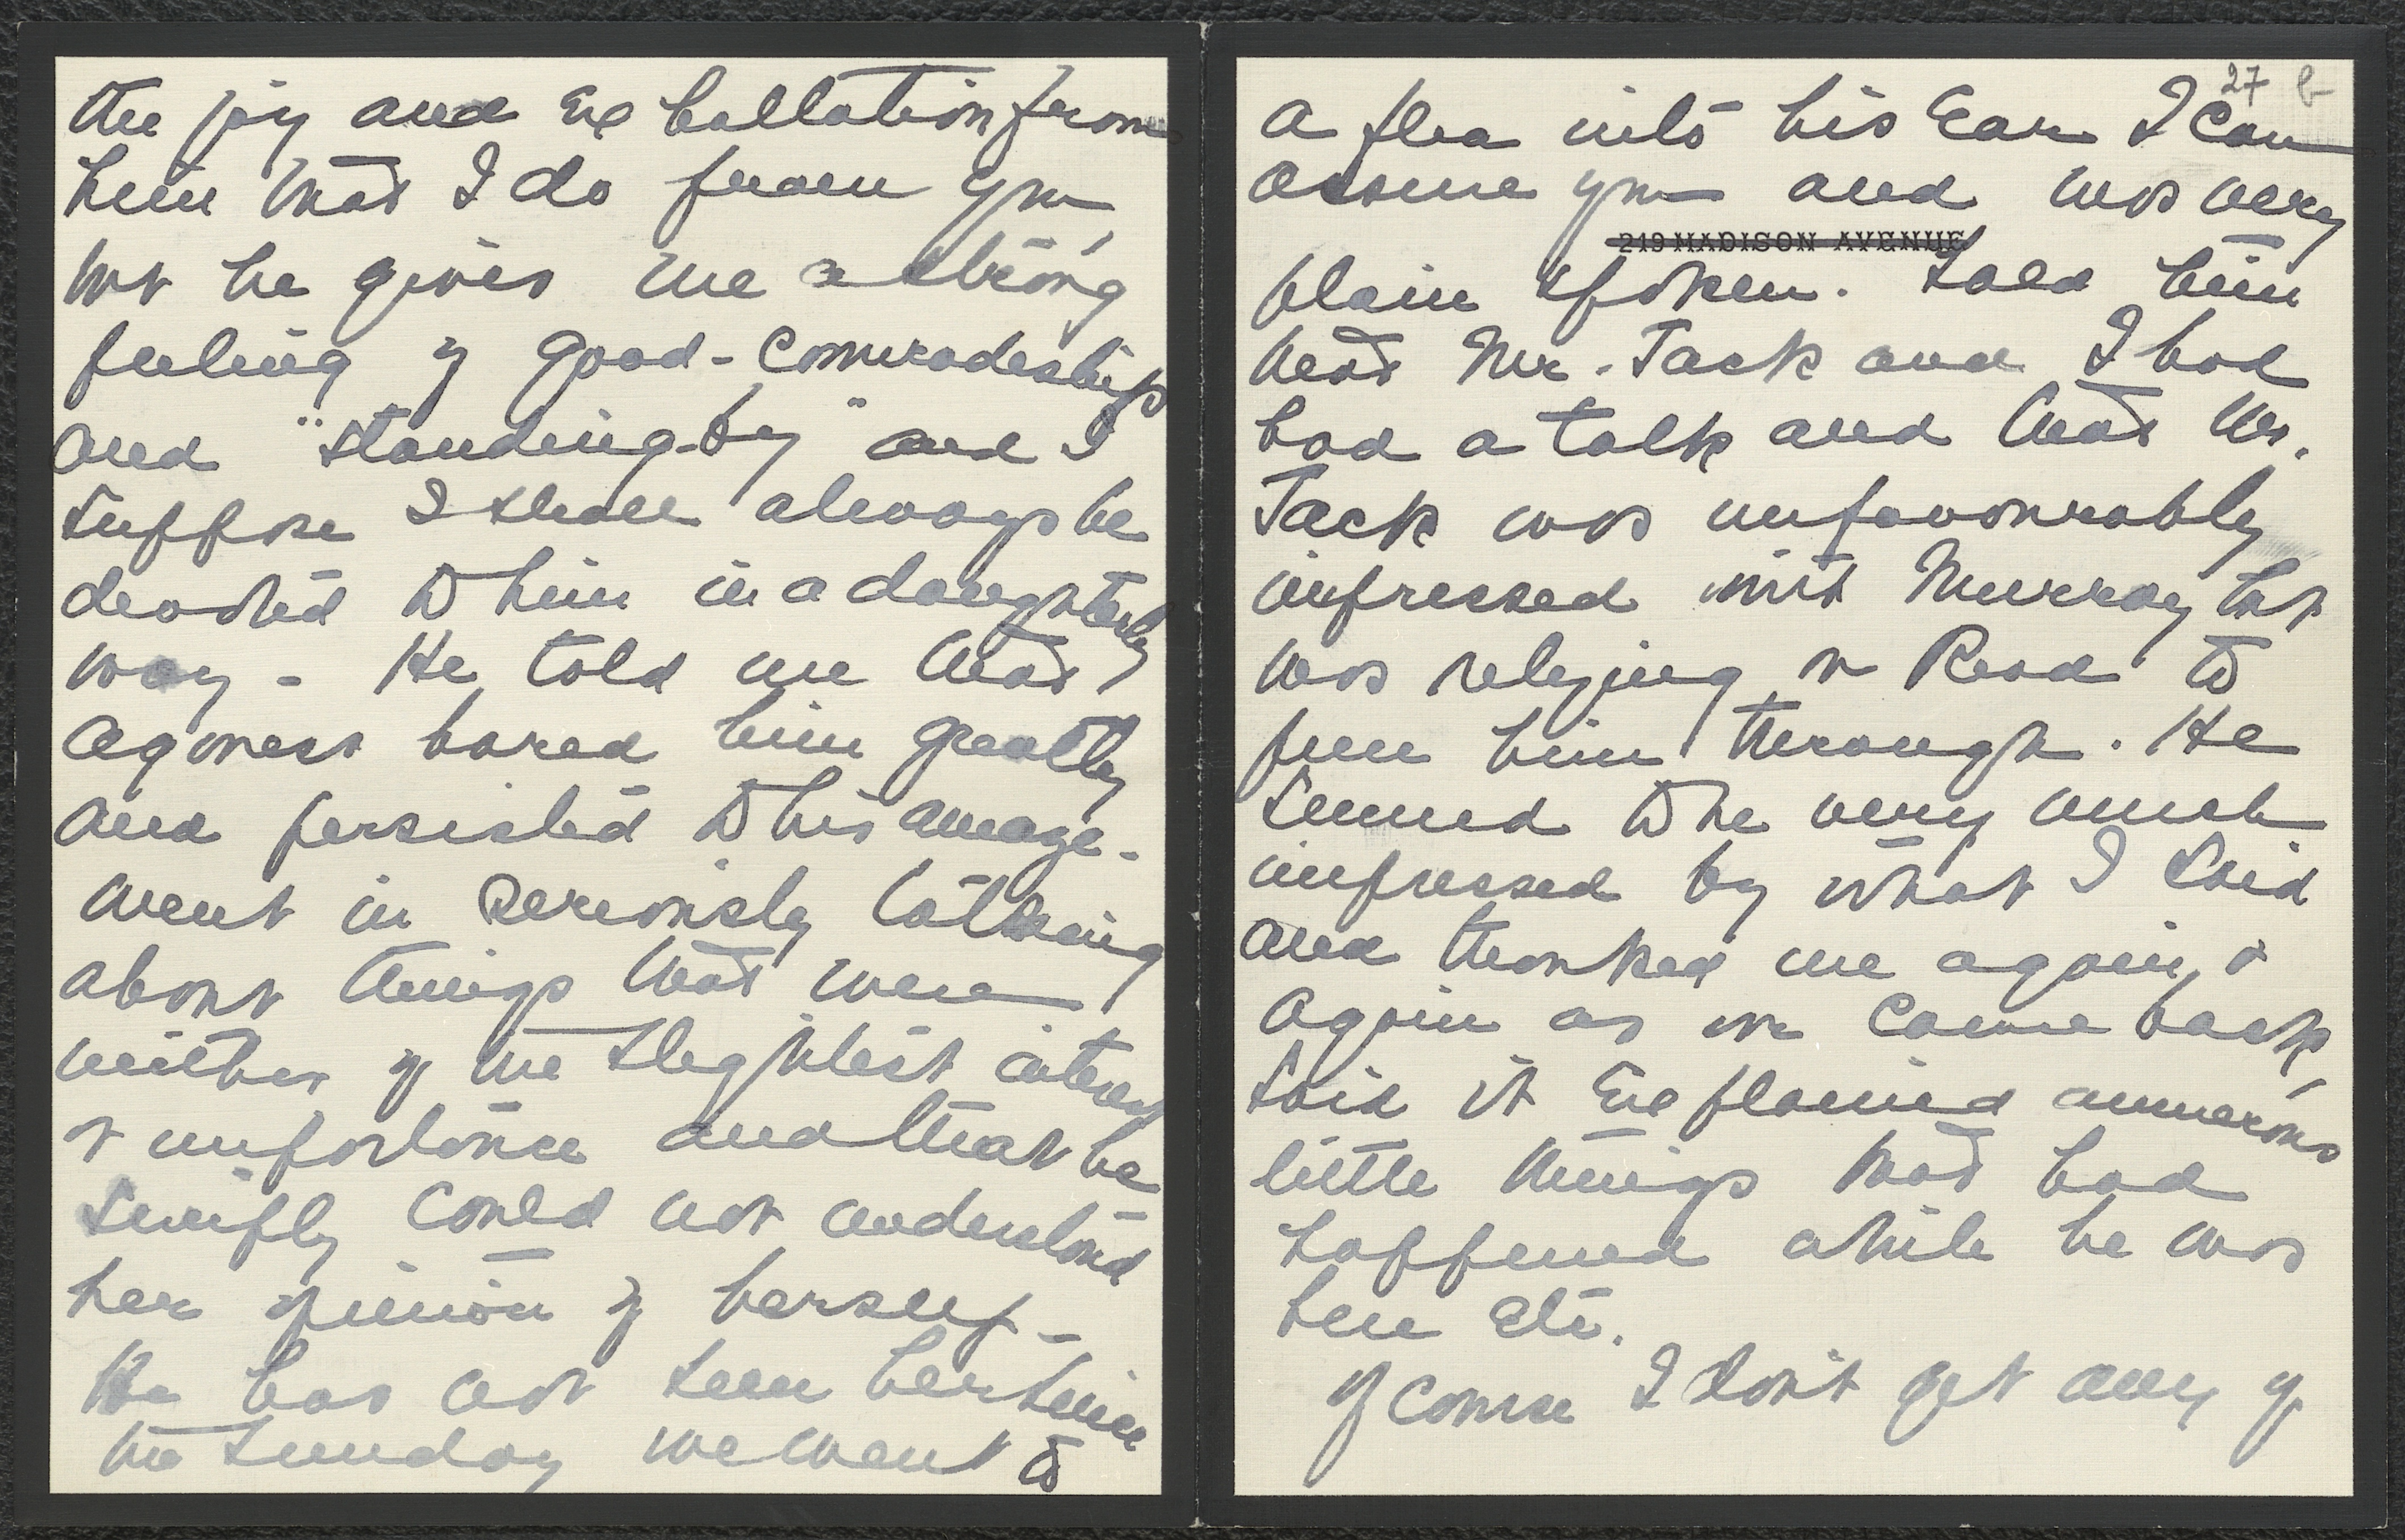a plea into his ear I can assure you – and was very plain spoken. Told him that Mr. Jack and I had had a talk and that Mr. Jack was unfavorably impressed with Murray but was relying on Read to pull him through. He seemed to be very much impressed by what I said and thanked me again & again as we came back, said it explained numerous little things that had happened while he was here etc.
of course I don't get any of
the joy and exhallation [sic] from him that I do from you, but he gives me a strong feeling of good-comradeship and "standing-by" and I suppose I shall always be devoted to him in a daughterly way – He told me that Agoness bored him greatly and persisted to his amazement in seriously talking about things that were neither of the slightest interest or importance and that he simply could not understand her opinion of herself – He has not seen her since the Sunday we went to